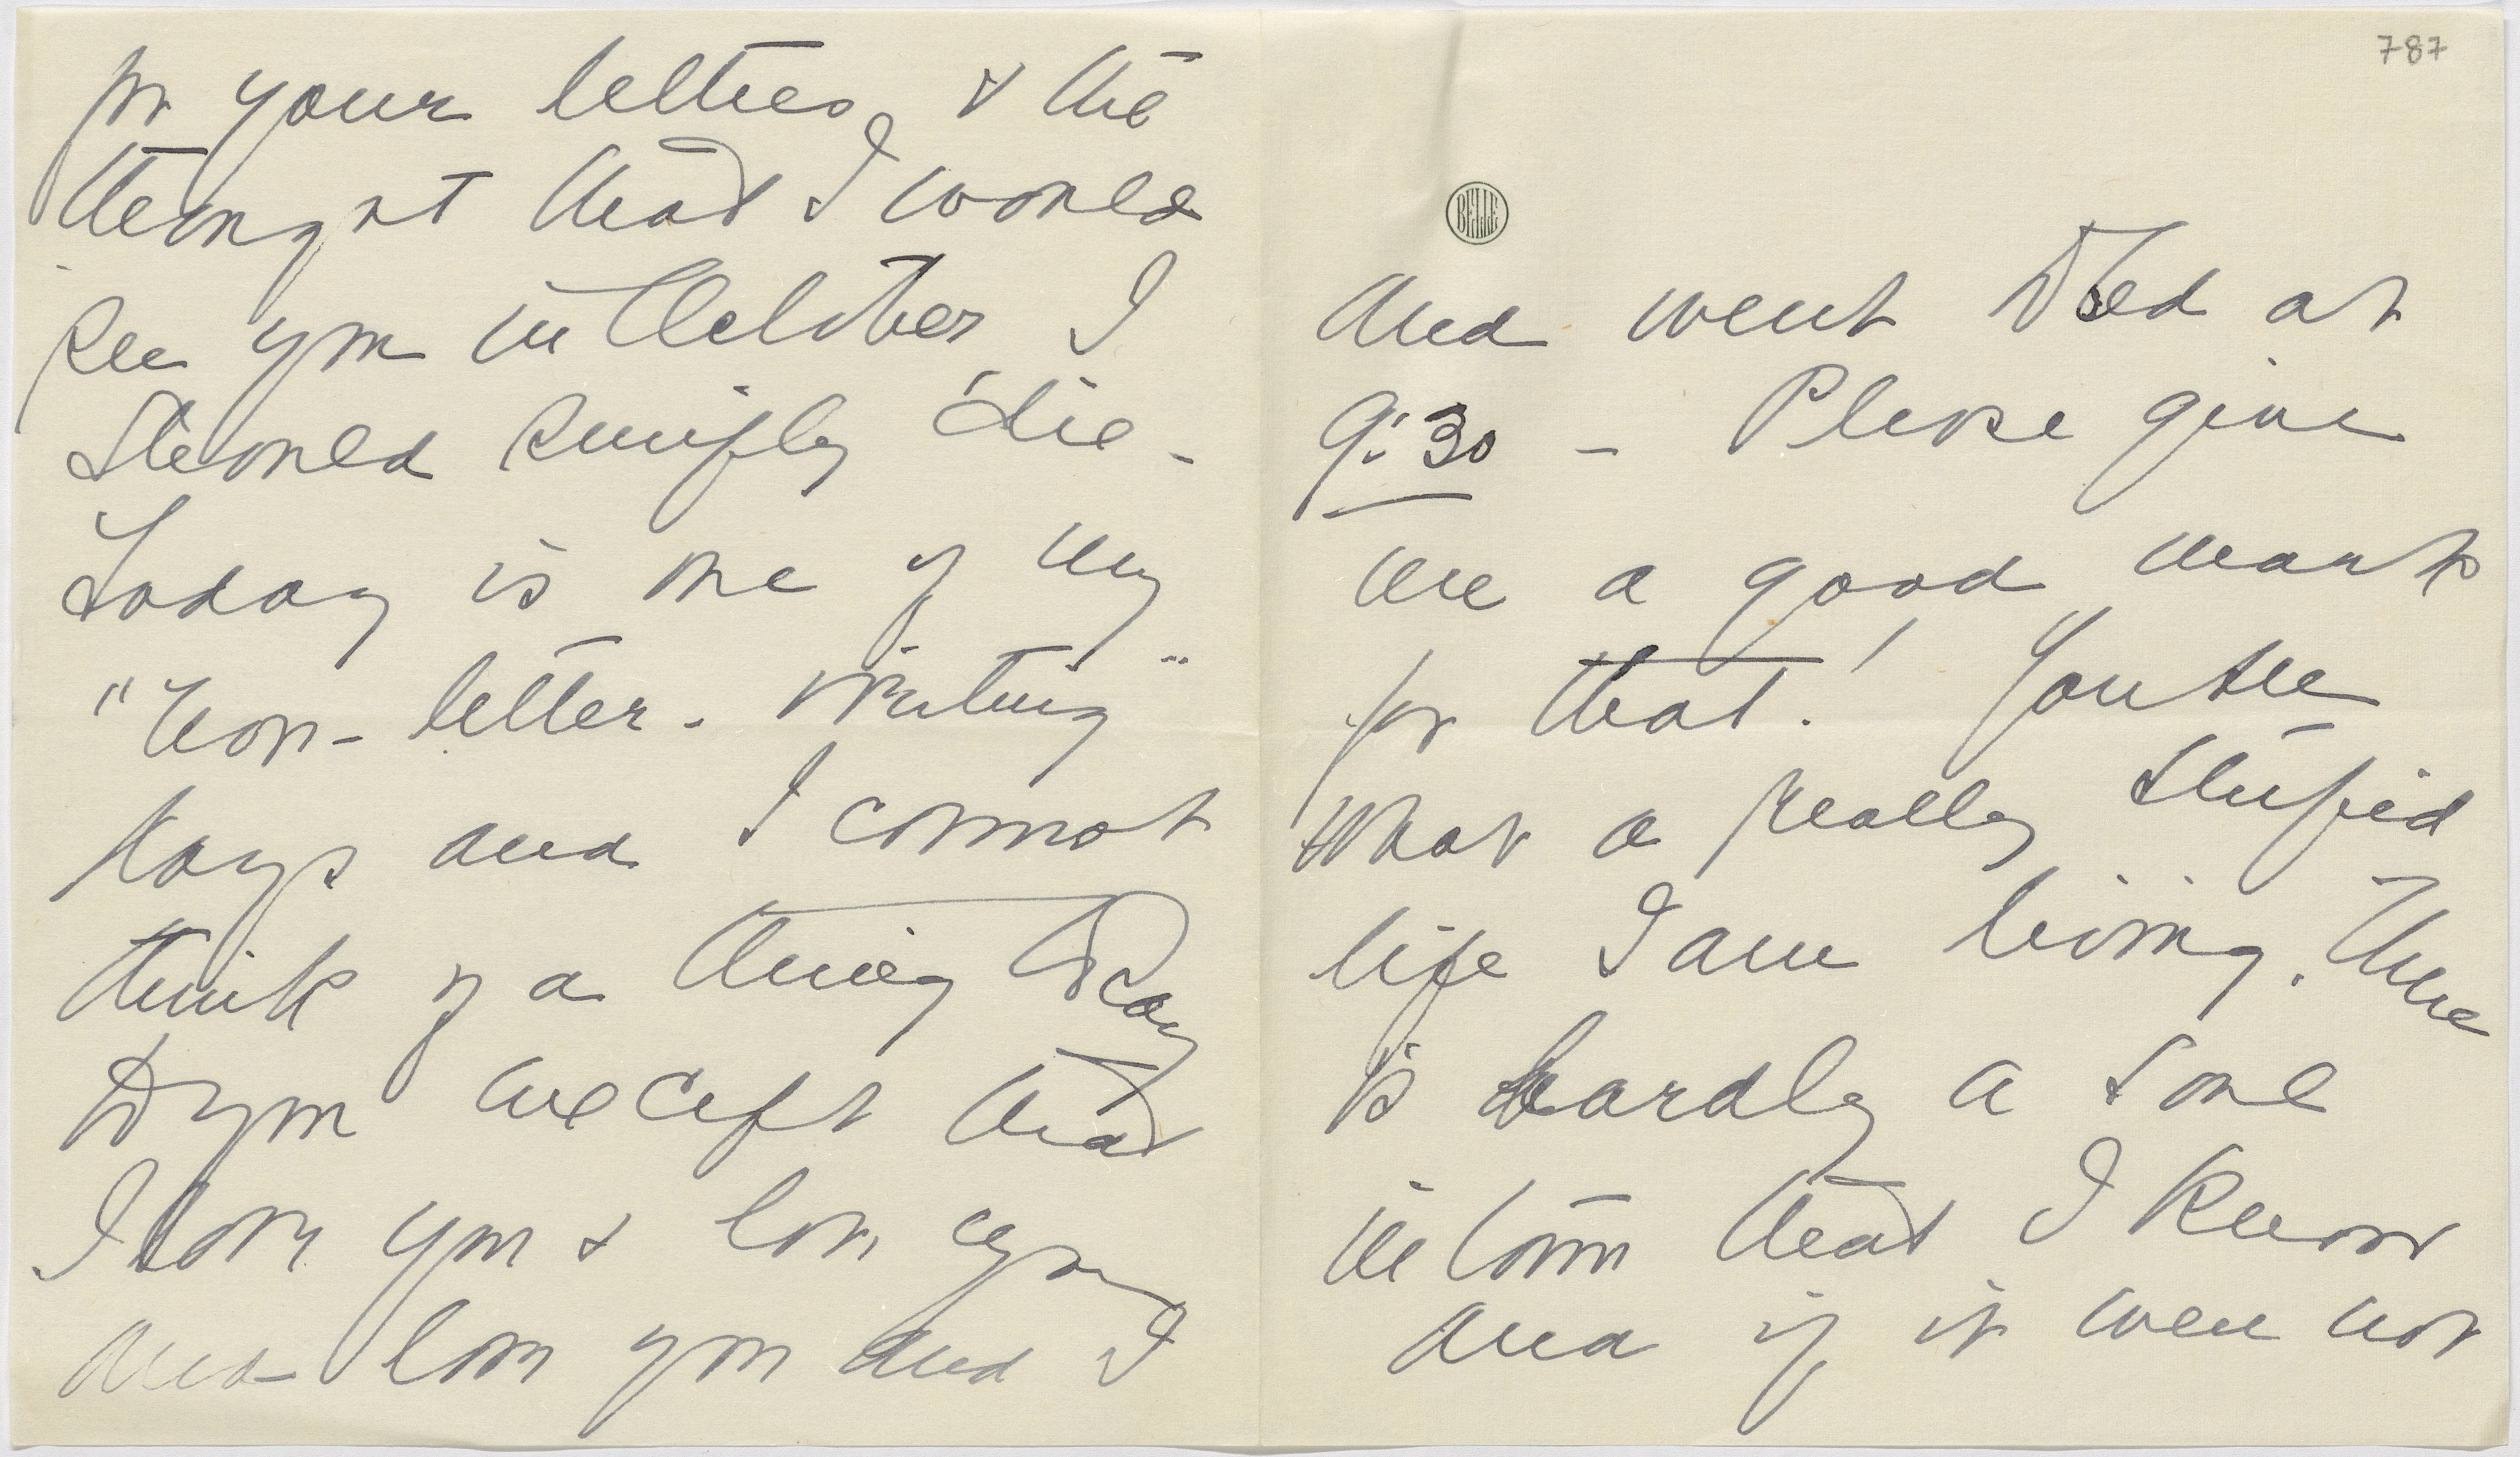and went to bed at 9:30 – Please give me a good mark for that! You see what a really stupid life I am living. There is hardly a soul in town that I know and if it were not
for your letters & the thought that I would see you in October I should simply die – Today is one of my “Non-letter-writing” days and I cannot think of a thing to say to you except that I love you & love you and love you and I